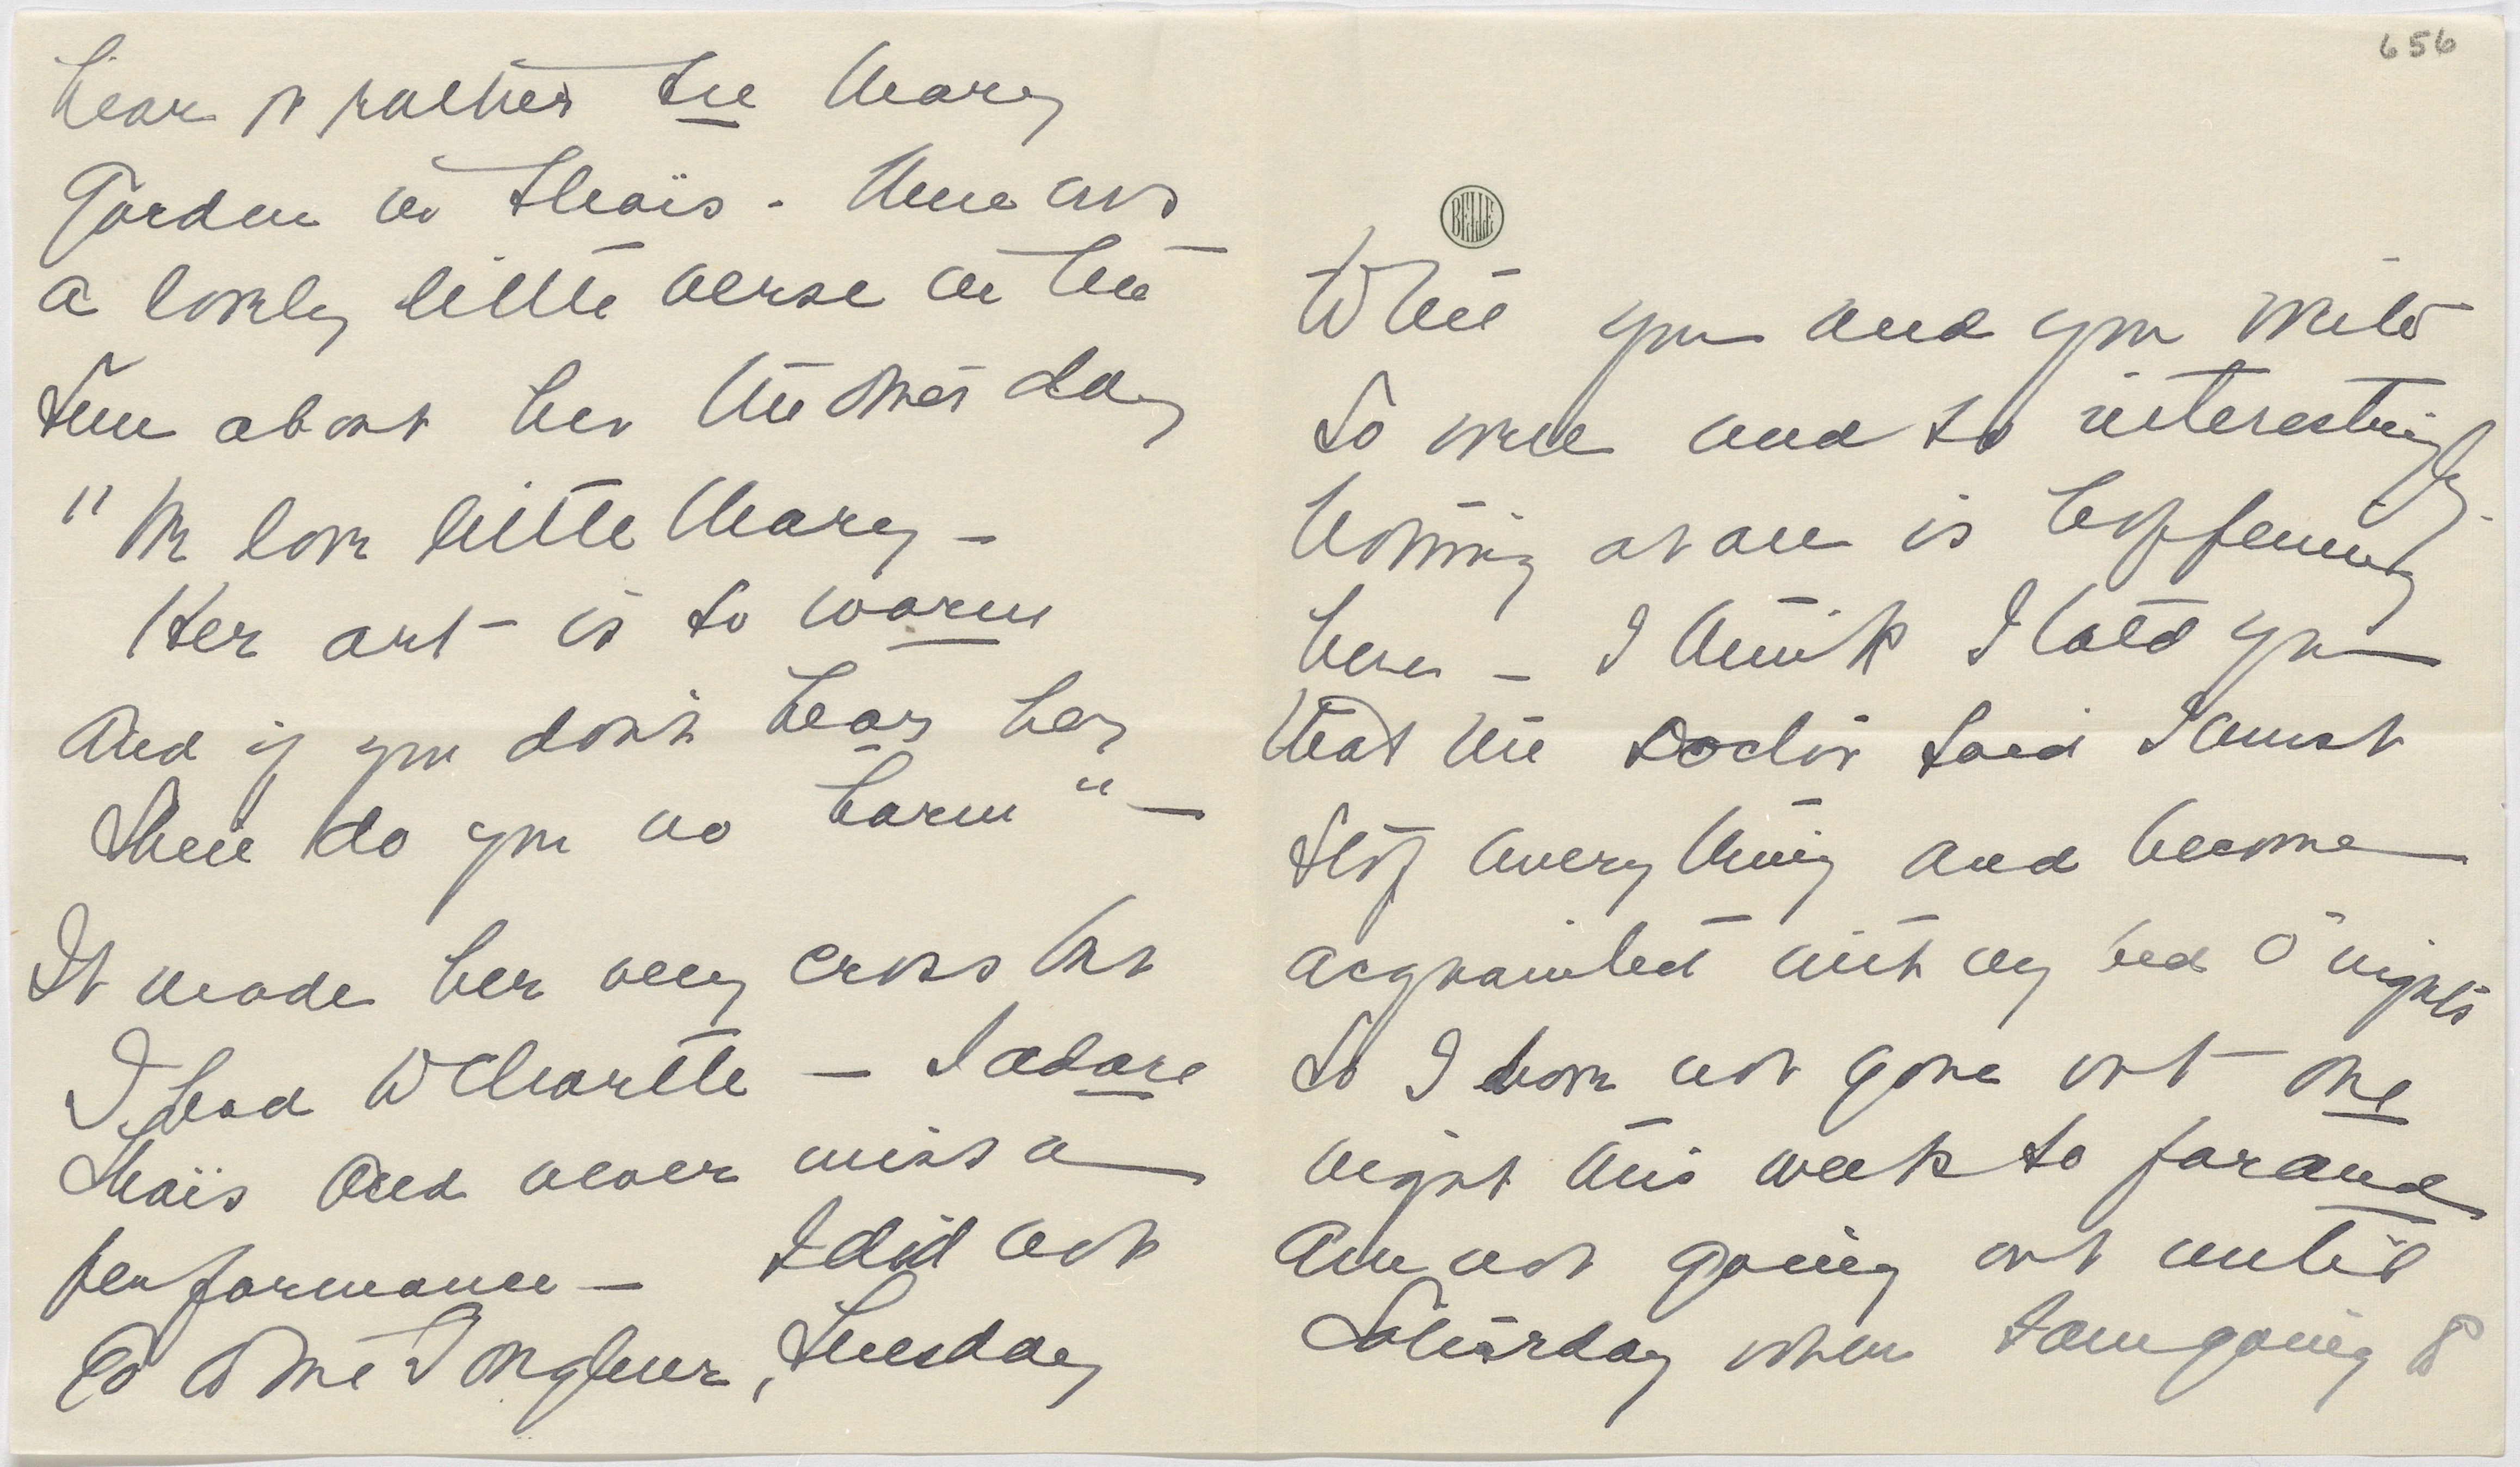to tell you and you write so well and so interestingly. Nothing at all is happening here – I think I told you that the Doctor said I must stop every thing and become acquainted with my bed o’nights so I have not gone out one night this week so far and am not going out until Saturday when I am going to
hear or rather see Mary Garden in Thaïs – There was a lovely little verse in the Sun about her the other day
“We love little Mary –
Her art is so warm
And if you don’t hear her
She’ll do you no harm” –
It made her very cross but I had to chortle – I adore Thaïs and never miss a performance – I did not go to the Jongleur, Tuesday